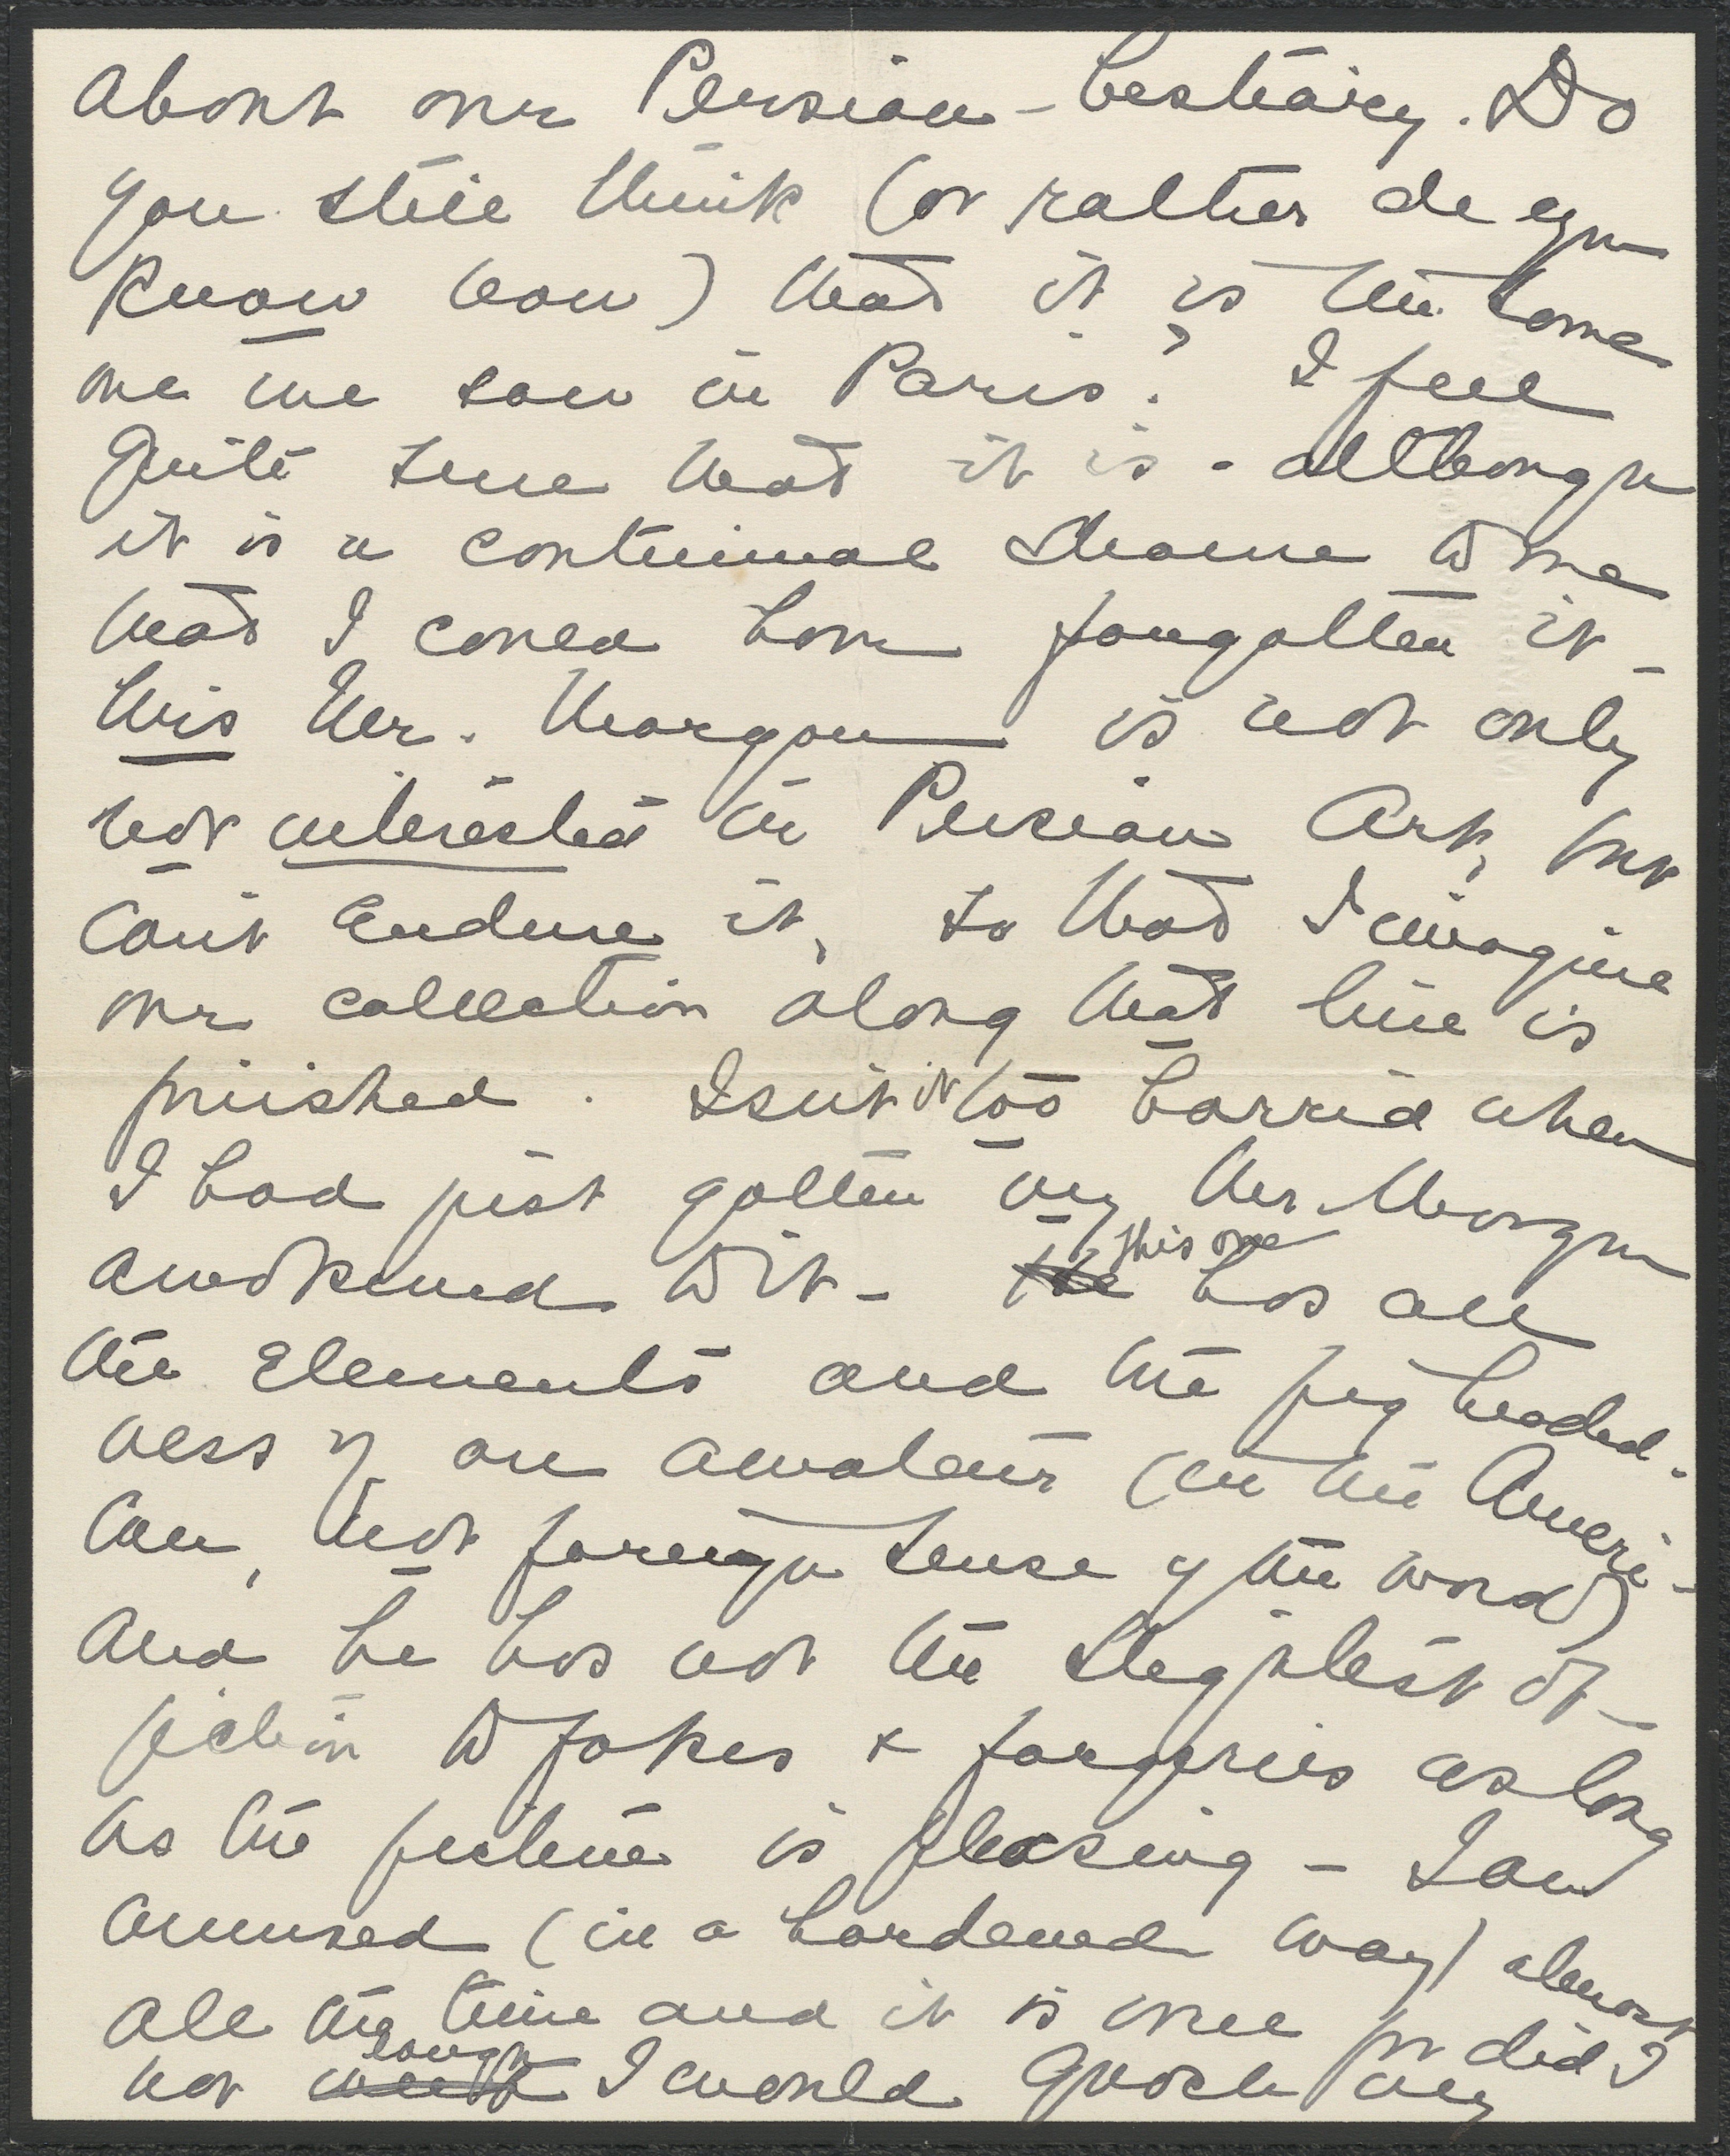about our Persian-Bestiary. Do you still think (or rather do you know how) that it is the same one we saw in Paris? I feel quite sure that it is – although it is a continual shame to me that I could have forgotten it – this Mr. Morgan is not only not interested in Persian Art, but can’t endure it, so that I imagine our collection along that line is finished. Isn’t it too horrid when I had just gotten my Mr. Morgan awakened to it – He [^this one^] has all the elements and the pig headedness of an amateur (in the American, not foreign sense of the word) and he has not the slightest objection to fakes & forgeries as long as the picture is pleasing – I am amused (in a hardened way) almost all the time and it is well for did I not weep [^laugh^] I would gnash my